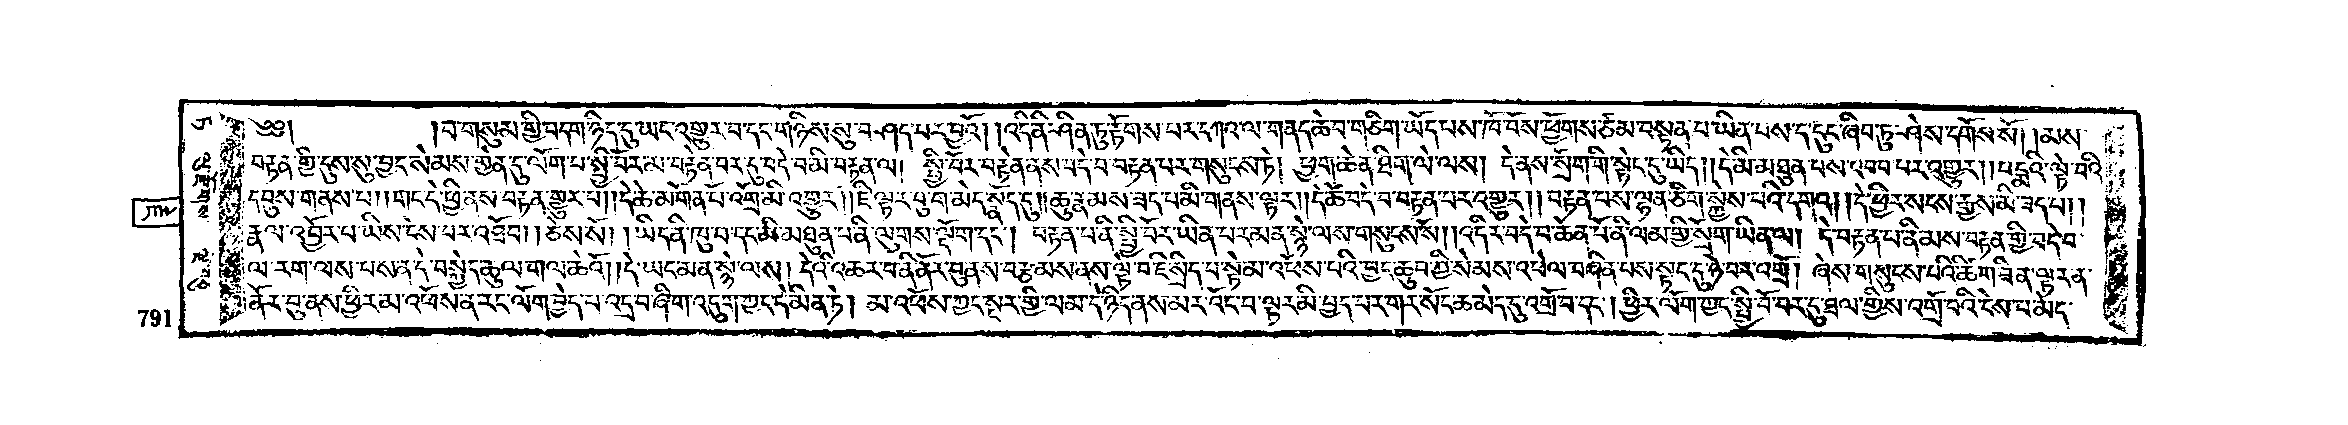༄༅། །བ་གསུམ་གྱི་བདག་ཉིད་དུ་ཡང་འགྱུར་བ་དང་གཉིས་སུ་བཤད་པར་བྱའོ། །འདི་ནི་ཤིན་ཏུ་རྟོགས་པར་དཀའ་ལ་གནད་ཆེ་བ་གཅིག་ཡོད་པས་ཁོ་བོས་ཕྱོགས་ཙམ་བསྟན་པ་ཡིན་པས་ད་དུང་ཞིབ་ཏུ་ཤེས་དགོས་སོ། །མས་
བརྟན་གྱི་དུས་སུ་བྱང་སེམས་གྱེན་དུ་ལོག་པ་སྤྱི་བོར་མ་བརྟེན་བར་དུ་བདེ་བ་མི་བརྟན་ལ། སྤྱི་བོར་བརྟེན་ནས་བདེ་བ་བརྟན་པར་གསུངས་ཏེ། ཕྱག་ཆེན་ཐིག་ལེ་ལས། དེ་ནས་སྲོག་གི་སྟེང་དུ་ཡིད། །དེ་མི་མཐུན་པས་འབབ་པར་འགྱུར། །པདམའི་ལྟེ་བའི་
དབུས་གནས་པ། །གང་དེ་ཕྱི་ནས་བརྟན་གྱུར་པ། །དེ་ཆེ་མགོན་པོ་འགྲོ་མི་འགྱུར། །ཇི་ལྟར་བུ་ག་མེད་སྣོད་དུ། །ཆུ་རྣམས་ཟད་པ་མི་གནས་ལྟར། །དེ་ཚེ་བདེ་བ་བརྟན་པར་འགྱུར། །བརྟན་པས་ལྷན་ཅིག་སྐྱེས་པའི་དགའ། །དེ་ཕྱིར་སངས་རྒྱས་མི་ཟད་པ། །
རྣལ་འབྱོར་པ་ཡིས་ངེས་པར་འཐོབ། །ཅེས་སོ། །ཡིད་ནི་ཁུ་བ་དང་མི་མཐུན་པ་ནི་ལུགས་ལྡོག་དང་། བརྟན་པ་ནི་སྤྱི་བོར་ཡིན་པར་མན་སྙེ་ལས་གསུངས་སོ། །འདིར་བདེ་བ་ཆེན་པོ་ནི་ལམ་གྱི་སྲོག་ཡིན་ལ། དེ་བརྟན་པ་ནི་མས་བརྟན་གྱི་བདེ་བ་
ལ་རག་ལས་པས་ན་དེ་བསྐྱེད་ཚུལ་གལ་ཆེའོ། །དེ་ཡང་མན་སྙེ་ལས། དེའི་འཆར་བ་ནི་ནོར་བུ་ནས་བརྩམས་ནས་ལྟེ་བ་ཇི་སྲིད་པ་སྟེ་མ་འཕོས་པའི་བྱང་ཆུབ་ཀྱི་སེམས་འཕེལ་བཞིན་པས་སྟེང་དུ་ཉེ་བར་འགྲོ། ཞེས་གསུངས་པའི་ཚིག་ཟིན་ལྟར་ན་
ནོར་བུ་ནས་ཕྱིར་མ་འཕོས་ན་རང་ལོག་བྱེད་པ་འདྲ་བ་ཞིག་འདུག་ཀྱང་དེ་མིན་ཏེ། མ་འཕོས་ཀྱང་སྔར་གྱི་ལམ་དེ་ཉིད་ནས་མར་འོང་བ་ལྟར་མི་བྱད་པར་གར་སོང་ཆ་མེད་དུ་འགྲོ་བ་དང་། ཕྱིར་ལོག་ཀྱང་སྤྱི་བོ་བར་དུ་ཐལ་གྱིས་འགྲོ་བའི་ངེས་པ་མེད་